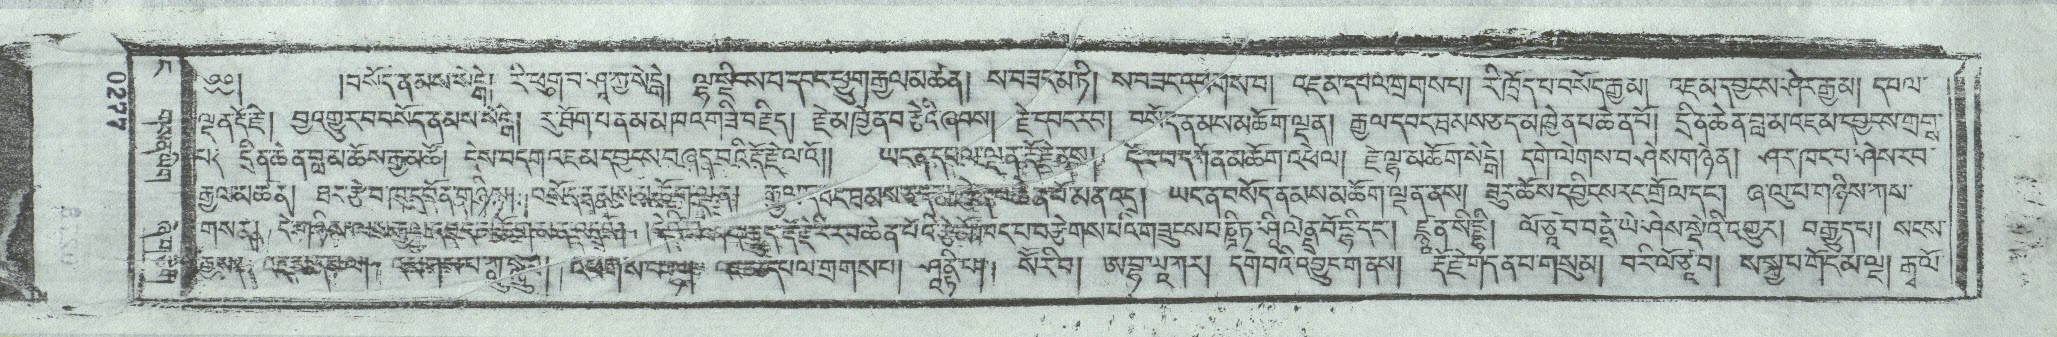༄༅། །བསོད་ནམས་སེངྒེ། རི་ཕུག་བ་ཤཱཀྱ་སེངྒེ། ལྷ་སྡིངས་བ་དབང་ཕྱུག་རྒྱལ་མཚན། ས་བཟང་མ་ཏི། ས་བཟང་འཕགས་པ། འཇམ་དཔལ་གྲགས་པ། རི་ཁྲོད་པ་བསོད་རྒྱ་མ། འཇམ་དབྱངས་ཤེར་རྒྱ་མ། དཔལ་
ལྡན་རྡོ་རྗེ། བྱ་འགྱུར་བ་བསོད་ནམས་སེངྒེ། རུ་ཐོག་པ་ནམ་མཁའ་གཟི་བརྗིད། རྗེ་མཁྱེན་བརྩེའི་ཞབས། རྗེ་དབང་རབ། བསོད་ནམས་མཆོག་ལྡན། རྒྱལ་དབང་ཐམས་ཅད་མཁྱེན་པ་ཆེན་པོ། དྲིན་ཆེན་བླ་མ་འཇམ་དབྱངས་གྲགས་
པ༑ དྲིན་ཆེན་བླ་མ་ཆོས་རྒྱ་མཚོ། དེས་བདག་འཇམ་དབྱངས་བཞད་པའི་རྡོ་རྗེ་ལའོ།། ཡང་ན་དཔལ་ལྡན་རྡོ་རྗེ་ནས། དོར་པ་དཀོན་མཆོག་འཕེལ། རྗེ་ལྷ་མཆོག་སེངྒེ། དགེ་ལེགས་བཤེས་གཉེན། ཤར་ཁང་པ་ཤེས་རབ་
རྒྱལ་མཚན། ཐར་རྩེ་བ་ཁུ་དབོན་གཉིས། བསོད་ནམས་མཆོག་ལྡན། རྒྱལ་དབང་ཐམས་ཅད་མཁྱེན་པ་ཆེན་པོ་མན་འདྲ། ཡང་ན་བསོད་ནམས་མཆོག་ལྡན་ནས། ཟུར་ཆོས་དབྱིངས་རང་གྲོལ་དང་། ཞ་ལུ་པ། གཉིས་ཀས་
གསན། དེ་གཉིས་ལས་རྒྱལ་དབང་མཆོག་མན་འདྲའོ། །དེའི་བཤད་རྒྱུད་རྡོ་རྗེ་རི་རབ་ཆེན་པོའི་རྩེ་མོ་ཁང་པ་བརྩེགས་པའི་གཟུངས་པཎྜི་ཏ་ལེནྡྲ་བོ་དྷི་དང་། ཛྙཱ་ན་སིདྡྷི། ལོ་ཙཱ་བ་བནྡེ་ཡེ་ཤེས་སྡེའི་འགྱུར། བརྒྱུད་པ། སངས་
རྒྱས༑ འཇམ་དཔལ། འཕགས་པ་ཀླུ་སྒྲུབ། འཕགས་པ་ལྷ། འཇམ་དཔལ་གྲགས་པ། ཤཱནྟི་པ། སཽ་རི་བ། ཨབྷ་ཡཱ་ཀ་ར། དགེ་བའི་འབྱུང་གནས། རྡོ་རྗེ་གདན་པ་གསུམ། བ་རི་ལོ་ཙཱ་བ། ས་སྐྱ་པ་གོང་མ་ལྔ། རྒྭ་ལོ་